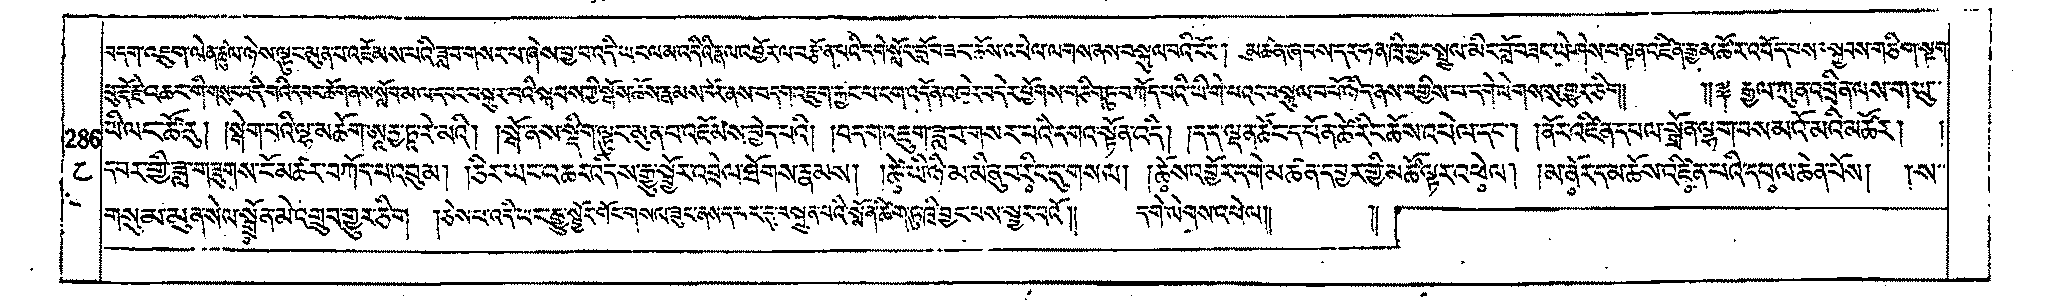བདག་འཇུག་ལེན་ཚུལ་ཉེས་ལྟུང་མུན་པ་འཇོམས་པའི་ཟླ་བ་གསར་པ་ཞེས་བྱ་བ་འདི་ཡང་ལམ་འདིའི་རྣལ་འབྱོར་ལ་བརྩོན་པའི་དགེ་སློང་བློ་བཟང་ཆོས་འཕེལ་ལགས་ནས་བསྐུལ་བའི་ངོར། མཚན་ཞབས་དར་ཧན་ཁྲི་བྱང་སྦྲུལ་མིང་བློ་བཟང་ཡེ་ཤེས་བསྟན་འཛིན་རྒྱ་མཚོར་འབོད་པས ༧སྐྱབས་གཅིག་སྟག་
ཕུ་རྡོ་རྗེ་འཆང་གི་གསུང་འདི་གའི་དབང་ཆོག་ནས་སློབ་མ་ལ་དབང་བསྐུར་བའི་སྐབས་ཀྱི་སོགས་ཆོས་རྣམས་དོར་ནས་བདག་འཇུག་རྐྱང་པ་ངག་འདོན་འཁྱེར་བདེར་ཕྱོགས་གཅིག་ཏུ་བཀོད་པའི་ཡི་གེ་པའང་བསྐུལ་པ་པོ་ཉིད་ནས་བགྱིས་པ་དགེ་ལེགས་སུ་གྱུར་ཅིག། །། འ་རྒྱལ་ཀུན་འཕྲིན་ལས་གཡུ་་་
ཡི་ལང་ཚོ་རུ། །སྒེག་པའི་ལྷ་མཆོག་ཨཱརྱ་ཏཱ་རེ་མའི། །སྒོ་ནས་སྡིག་ལྟུང་མུན་པ་འཇོམས་བྱེད་པའི། །བདག་འཇུག་ཟླ་བ་གསར་པའི་དགའ་སྟོན་འདི། །དད་ལྡན་ཚོང་དཔོན་ཚེ་རིང་ཆོས་འཕེལ་དང་། །ནོར་འཛིན་དཔལ་སྒྲོན་ལྷག་བསམ་འོ་མའི་མཚོར། །
དཔར་གྱི་ཟླ་གཟུགས་ངོ་མཚར་བཀོད་པ་འབུམ། །ཅིར་ཡང་འཆར་འདིས་རྒྱུ་སྦྱོར་འབྲེལ་ཐོགས་རྣམས། །ཚེ྾་ཡི་ཉི་མ་མི་ནུབ་རིང྾་དུ་གསལ། །ཆོས྾་འབྱོར་དགེ་མཚན་དབྱར་གྱི་མཚོ་ལྟར་འཕེལ྾། །མ་ནོར྾་དམ་ཆོས་འཛིན྾་པའི་དཔལ྾་ཆེན་པོས། །ས་་་
གསུམ་མུན་སེལ་སྒྲོན྾་མེ་འགྲུབ་གྱུར་ཅིག །ཅེས་པ་འདི་ཡང་རྒྱུ་སྦྱོར་གོང་གསལ་ཟུང་ནས་དཔར་དུ་བསྐྲུན་པའི་སྨོན་ཚིག་ཏུ་ཁྲི་བྱང་པས་སྦྱར་བའོ།། དགེ་ལེགས་འཕེལ།། །།